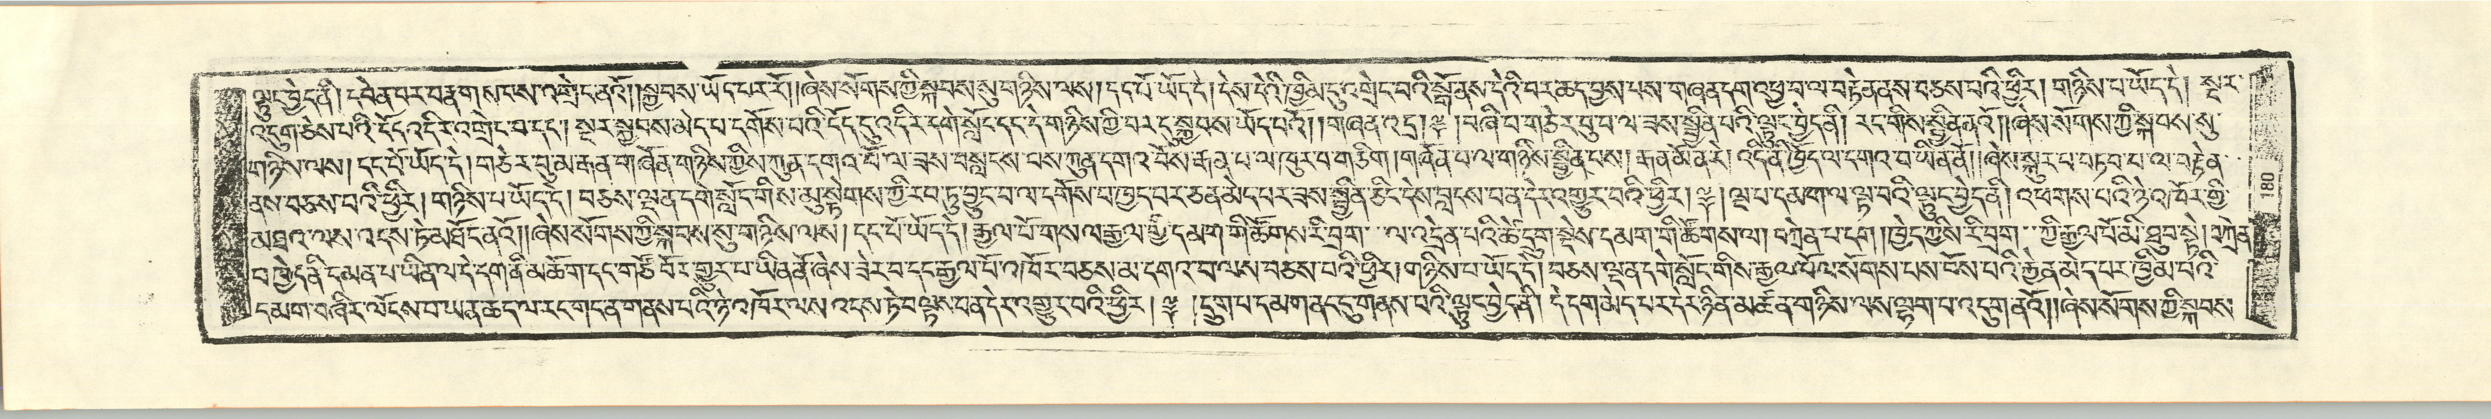ལྟུང་བྱེད་ནི། དབེན་པར་བརྣགས་པས་འགྲེང་ནའོ། །སྐྱབས་ཡོད་པར་རོ། །ཞེས་སོགས་ཀྱི་སྐབས་སུ་གཉིས་ལས། དང་པོ་ཡོད་དེ། དེས་དེའི་ཁྱིམ་དུ་འགྲེང་བའི་སྒོ་ནས་དེའི་བར་ཆད་བྱས་པས་གཞན་དག་འཕྱ་བ་ལ་བརྟེན་ནས་བཅས་པའི་ཕྱིར། གཉིས་པ་ཡོད་དེ། སྔར་
འདུག་ཅེས་པའི་དོད་འདིར་འགྲེང་བ་དང་། སྔར་སྐྱབས་མེད་པ་དགོས་པའི་དོད་དུ་འདིར་དགེ་སློང་དང་དེ་གཉིས་ཀྱི་བར་དུ་སྐྱབས་ཡོད་པའོ། །གཞན་འདྲ། ༈ །བཞི་པ་གཅེར་བུ་པ་ལ་ཟས་སྦྱིན་པའི་ལྟུང་བྱེད་ནི། རང་གིས་སྦྱིན་ནའོ། །ཞེས་སོགས་ཀྱི་སྐབས་སུ་
གཉིས་ལས། དང་པོ་ཡོད་དེ། གཅེར་བུ་མ་རྒན་གཞོན་གཉིས་ཀྱིས་ཀུན་དགའ་པོ་ལ་ཟས་བསླངས་པས་ཀུན་དགའ་བོས་རྒན་པ་ལ་ཁུར་བ་གཅིག །གཞོན་པ་ལ་གཉིས་སྦྱིན་པས། རྒན་མོ་ན་རེ། འདི་ནི་ཁྱོད་ལ་དགའ་བ་ཡིན་ནོ། །ཞེས་སྐུར་པ་བཏབ་པ་ལ་བརྟེན་
ནས་བཅས་པའི་ཕྱིར། གཉིས་པ་ཡོད་དེ། བཅས་ལྡན་དགེ་སློང་གིས་མུ་སྟེགས་ཀྱི་རབ་ཏུ་བྱུང་བ་ལ་དགོས་པ་ཁྱད་པར་ཅན་མེད་པར་ཟས་སྦྱིན་ཅིང་དེས་བླངས་པ་ན་དེར་འགྱུར་བའི་ཕྱིར། ༈ །ལྔ་པ་དམག་ལ་ལྟ་བའི་ལྟུང་བྱེད་ནི། འཕགས་པའི་ཉེ་འཁོར་གྱི་
མཐའ་ལས་འདས་ཏེ་མཐོང་ནའོ། །ཞེས་སོགས་ཀྱི་སྐབས་སུ་གཉིས་ལས། དང་པོ་ཡོད་དེ། རྒྱལ་པོ་གསལ་རྒྱལ་གྱིད་མག་གི་ཚོགས་རི་བྲག་ལ་འདྲེན་པའི་ཚེ་དྲུག་སྡེས་དམག་གི་ཚོགས་ལ། བཀྲེན་པ་དག །ཁྱེད་ཀྱིས་རི་བྲག་ཀྱི་རྒྱལ་པོ་མི་ཐུབ་སྟེ། བཀྲེན་
པ་ཁྱེད་ནི་དམན་པ་ཡིན་ལ་དེ་དག་ནི་མཆོག་དང་གཙོ་བོར་གྱུར་པ་ཡིན་ནོ་ཞེས་ཟེར་བ་དང་རྒྱལ་པོ་འཁོར་བཅས་མ་དགའ་བ་ལས་བཅས་པའི་ཕྱིར། གཉིས་པ་ཡོད་དེ། བཅས་ལྡན་དགེ་སློང་གིས་རྒྱལ་པོ་ལ་སོགས་པས་བོས་པའི་རྐྱེན་མེད་པར་ཁྱིམ་པའི་
དམག་བཞིར་ལོངས་པ་ཡན་ཆད་ལ་རང་གང་ན་གནས་པའི་ཉེ་འཁོར་ལས་འདས་ཏེ་བལྟས་པ་ན་དེར་འགྱུར་བའི་ཕྱིར། ༈ །དྲུག་པ་དམག་ནང་དུ་གནས་པའི་ལྟུང་བྱེད་ནི། དེ་དག་མེད་པར་དེར་ཉིན་མཚན་གཉིས་ལས་ལྷག་པ་འདུག་ནའོ། །ཞེས་སོགས་ཀྱི་སྐབས་